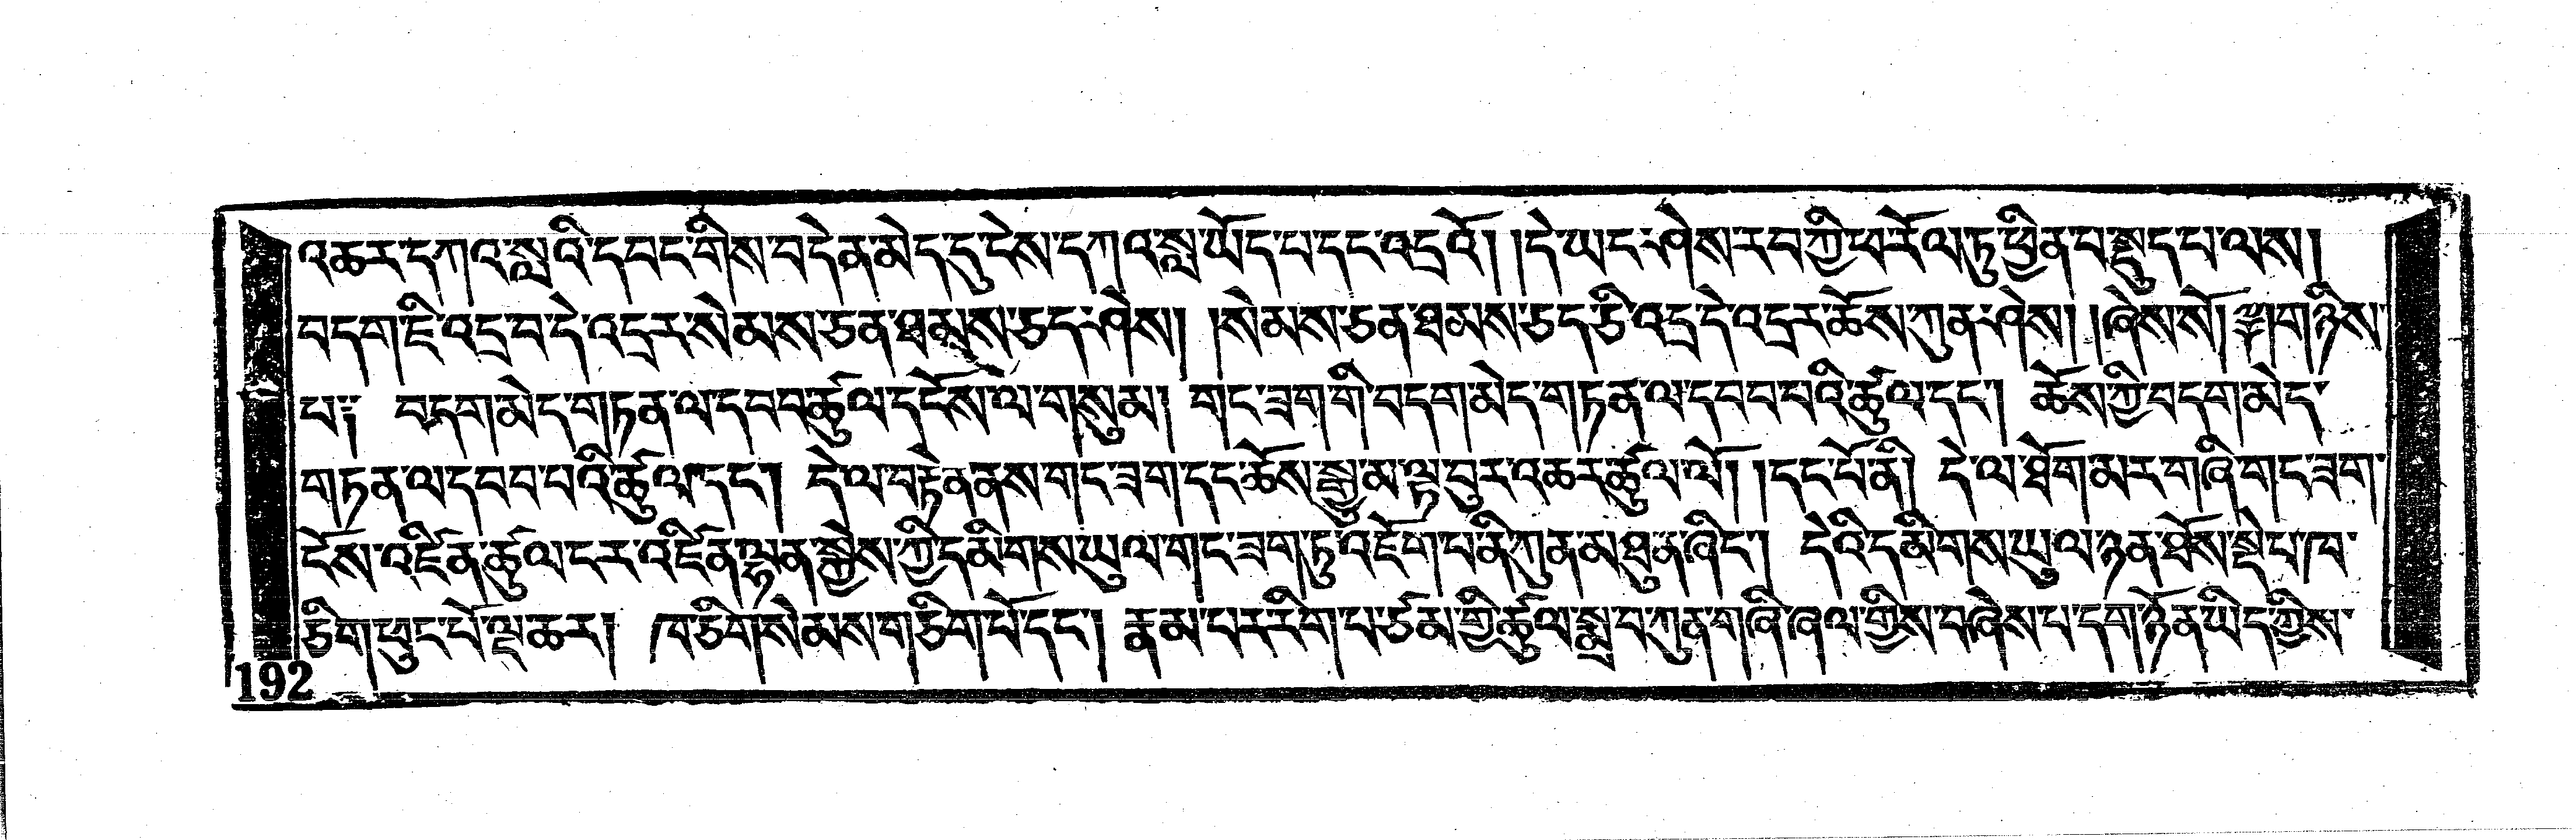འཆར་དཀའ་སླའི་དབང་གིས་བདེན་མེད་དུ་ངེས་དཀའ་སླ་ཡོད་པ་དང་འདྲའོ། །དེ་ཡང་ཤེས་རབ་ཀྱི་ཕ་རོལ་ཏུ་ཕྱིན་པ་སྡུད་པ་ལས།
བདག་ཇི་འདྲ་བ་དེ་འདྲར་སེམས་ཅན་ཐམས་ཅད་ཤེས། །སེམས་ཅན་ཐམས་ཅད་ཅི་འདྲ་དེ་འདྲར་ཆོས་ཀུན་ཤེས། །ཞེས་སོ། ༈ །གཉིས་
པ༑ བདག་མེད་གཏན་ལ་དབབ་ཚུལ་དངོས་ལ་གསུམ། གང་ཟག་གི་བདག་མེད་གཏན་ལ་དབབ་པའི་ཚུལ་དང་། ཆོས་ཀྱི་བདག་མེད་
གཏན་ལ་དབབ་པའི་ཚུལ་དང་། དེ་ལ་བརྟེན་ནས་གང་ཟག་དང་ཆོས་སྒྱུ་མ་ལྟ་བུར་འཆར་ཚུལ་ལོ། །དང་པོ་ནི། དེ་ལ་ཐོག་མར་གཞི་གང་ཟག་
ངོས་འཛིན་ཚུལ་ངར་འཛིན་ལྷན་སྐྱེས་ཀྱི་དམིགས་ཡུལ་གང་ཟག་ཏུ་འཇོག་པ་ནི་ཀུན་མཐུན་ཞིང་། དེའི་དམིགས་ཡུལ་ཉན་ཐོས་སྡེ་པ་ཁ་
ཅིག་ཕུང་པོ་ལྔ་ཆར། ཁ་ཅིག་སེམས་གཅིག་པོ་དང་། རྣམ་པར་རིག་པ་ཙམ་གྱི་ཚུལ་སྨྲ་བ་ཀུན་གཞི་ཞལ་གྱིས་བཞེས་པ་དག་ཉོན་ཡིད་ཀྱིས་